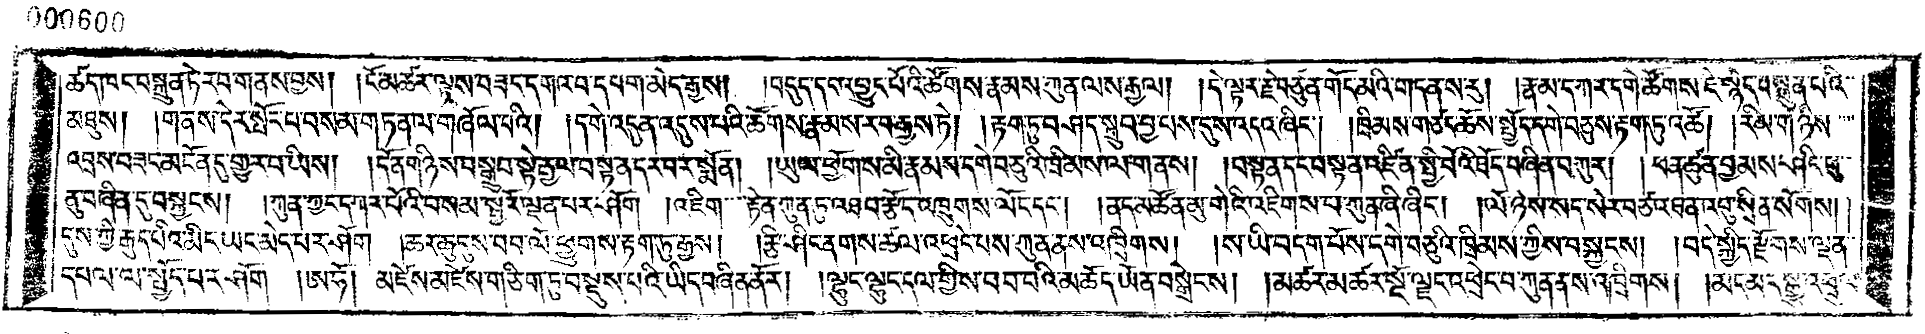ཚད་ཁང་བསྐྲུན་ཏེ་རབ་གནས་བྱས། །ངོ་མཚར་ལྟས་བཟང་དགའ་བ་དཔག་མེད་རྒྱས། །བདུད་དང་འབྱུང་པོའི་ཚོགས་རྣམས་ཀུན་ལས་རྒྱལ། །དེ་ལྟར་རྗེ་བཙུན་གོང་མའི་གདན་ས་རུ། །རྣམ་དཀར་དགེ་ཚོགས་ཇི་སྙེད་བསྐྲུན་པའི་
མཐུས། །གནས་དེར་སྤོང་པ་བསམ་གཏན་ལ་གཞོལ་པའི། །དགེ་འདུན་འདུས་པའི་ཚོགས་རྣམས་རབ་རྒྱས་ཏེ། །རྟག་ཏུ་བཤད་སྒྲུབ་བྱ་པས་དུས་འདའ་ཞིང་། །ཁྲིམས་གཙང་ཆོས་སྤྱོད་དགེ་བཅུས་རྟག་ཏུ་འཚོ། །རིམ་གཉིས་
འབྲས་བཟང་མངོན་དུ་གྱུར་བ་ཡིས། །དོན་གཉིས་བསྒྲུབ་སྟེ་རྒྱལ་བསྟན་དར་བར་སྨོན། །ཡུལ་ཕྱོགས་མི་རྣམས་དགེ་བཅུའི་ཁྲིམས་ལ་གནས། །བསྟན་དང་བསྟན་འཛིན་སྤྱི་བོའི་ཐོད་བཞིན་བཀུར། །ཕན་ཚུན་བྱམས་ཤིང་ཕུ་
ནུ་བཞིན་དུ་བསྐྱངས། །ཀུན་ཀྱང་དཀར་པོའི་བསམ་སྦྱོར་ལྡན་པར་ཤོག །འཇིག་རྟེན་ཀུན་ཏུ་འཐབ་རྩོད་འཁྲུགས་ལོང་དང་། །ནད་མཚོན་མུ་གེའི་འཇིགས་པ་ཀུན་ཞི་ཞིང་། །ལོ་ཉེས་སད་སེར་བཙའ་ཐན་འབུ་སྲིན་སོགས། །
དུས་ཀྱི་རྒུད་པའི་མིང་ཡང་མེད་པར་ཤོག །ཆར་ཆུ་དུས་བབ་ལོ་ཕྱུགས་རྟག་ཏུ་རྒྱས། །རྩི་ཤིང་ནགས་ཚལ་འཕྲེང་པས་ཀུན་ནས་འཁྲིགས། །ས་ཡི་བདག་པོས་དགེ་བཅུའི་ཁྲིམས་ཀྱིས་བསྐྱངས། །བདེ་སྐྱིད་རྫོགས་ལྡན་
དཔལ་ལ་སྤྱོད་པར་ཤོག །ཨ་ཧོ། མཛེས་མཛེས་གཅིག་ཏུ་བསྡུས་པའི་ཡིད་བཞིན་ནོར། །ལྷུང་ལྷུང་དལ་གྱིས་བབ་པའི་མཆོད་ཡོན་བསྒྲེངས། །མཚར་མཚར་སྔོ་ལྗང་འཕྲེང་བ་ཀུན་ནས་འཁྲིགས། །མང་མང་སྒྱུ་འཕྲུལ་